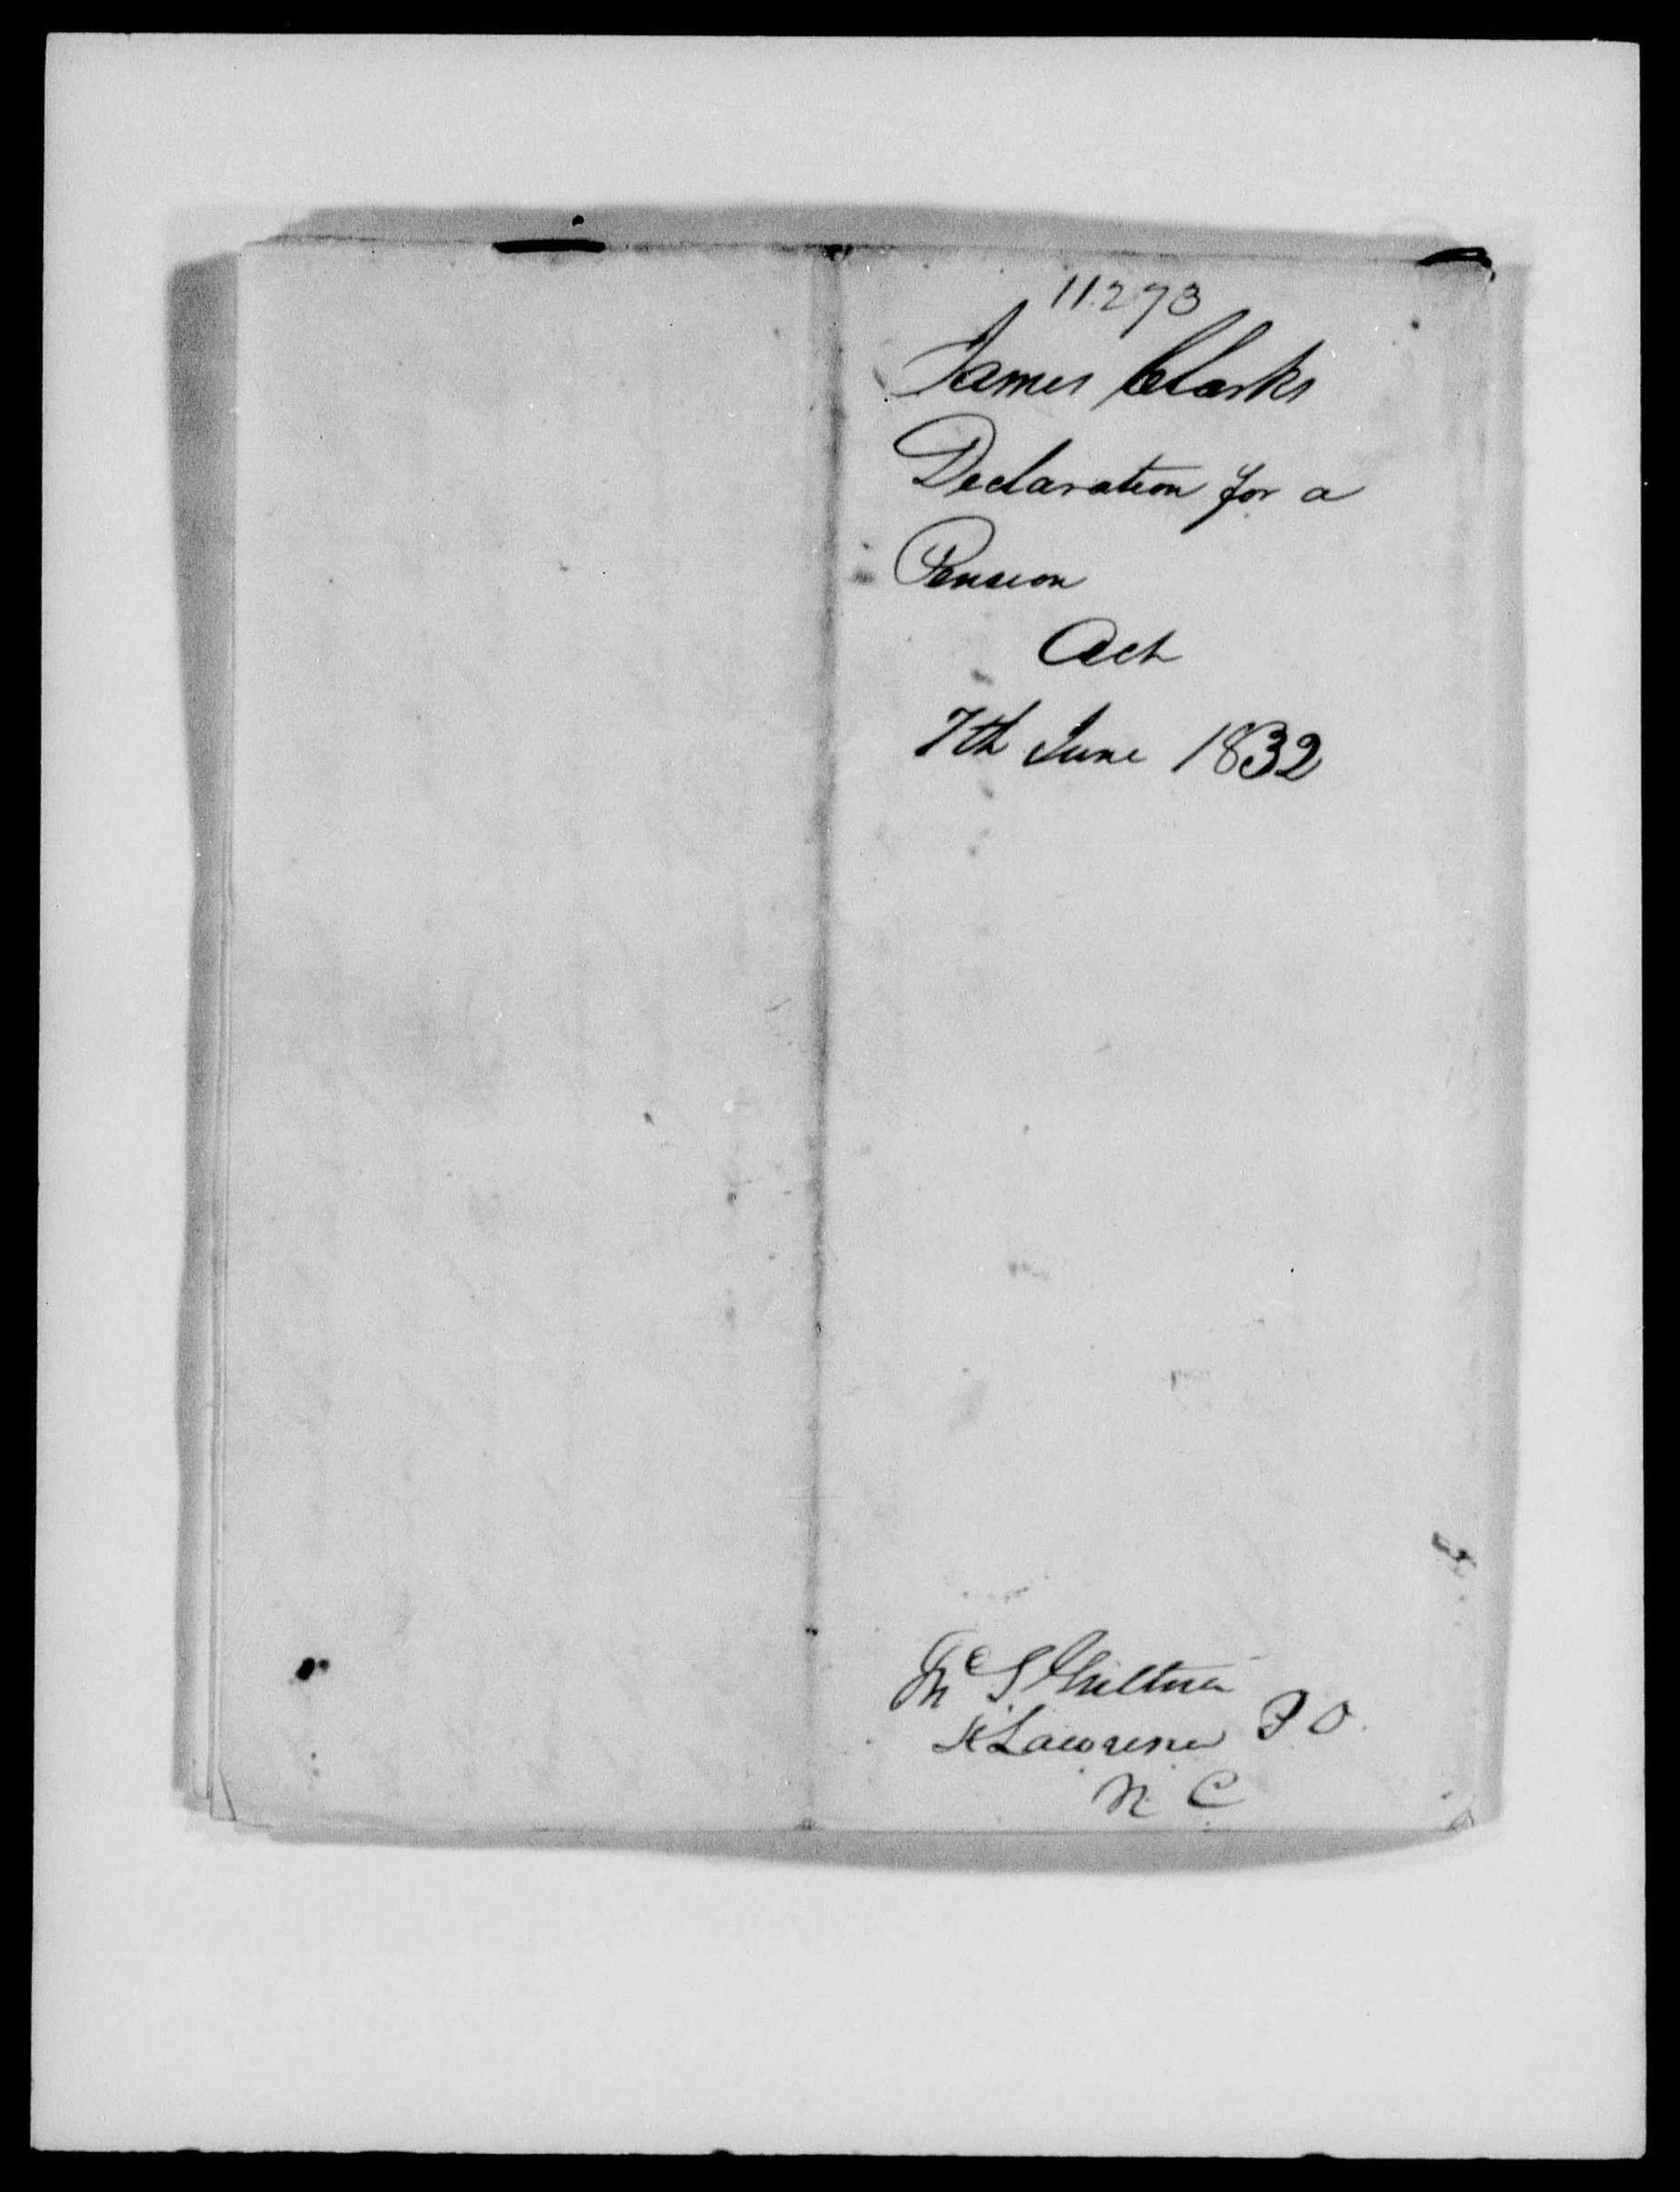11. 273

James Clark
Declaration for a
Pension

Act
7th June 1932

Jno L Guthrie
St Lawrence PO
NC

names: Jno S Guthrie, James Clarks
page: 3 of 16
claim: survivor's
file: S. 8207, James Clark, N.C.